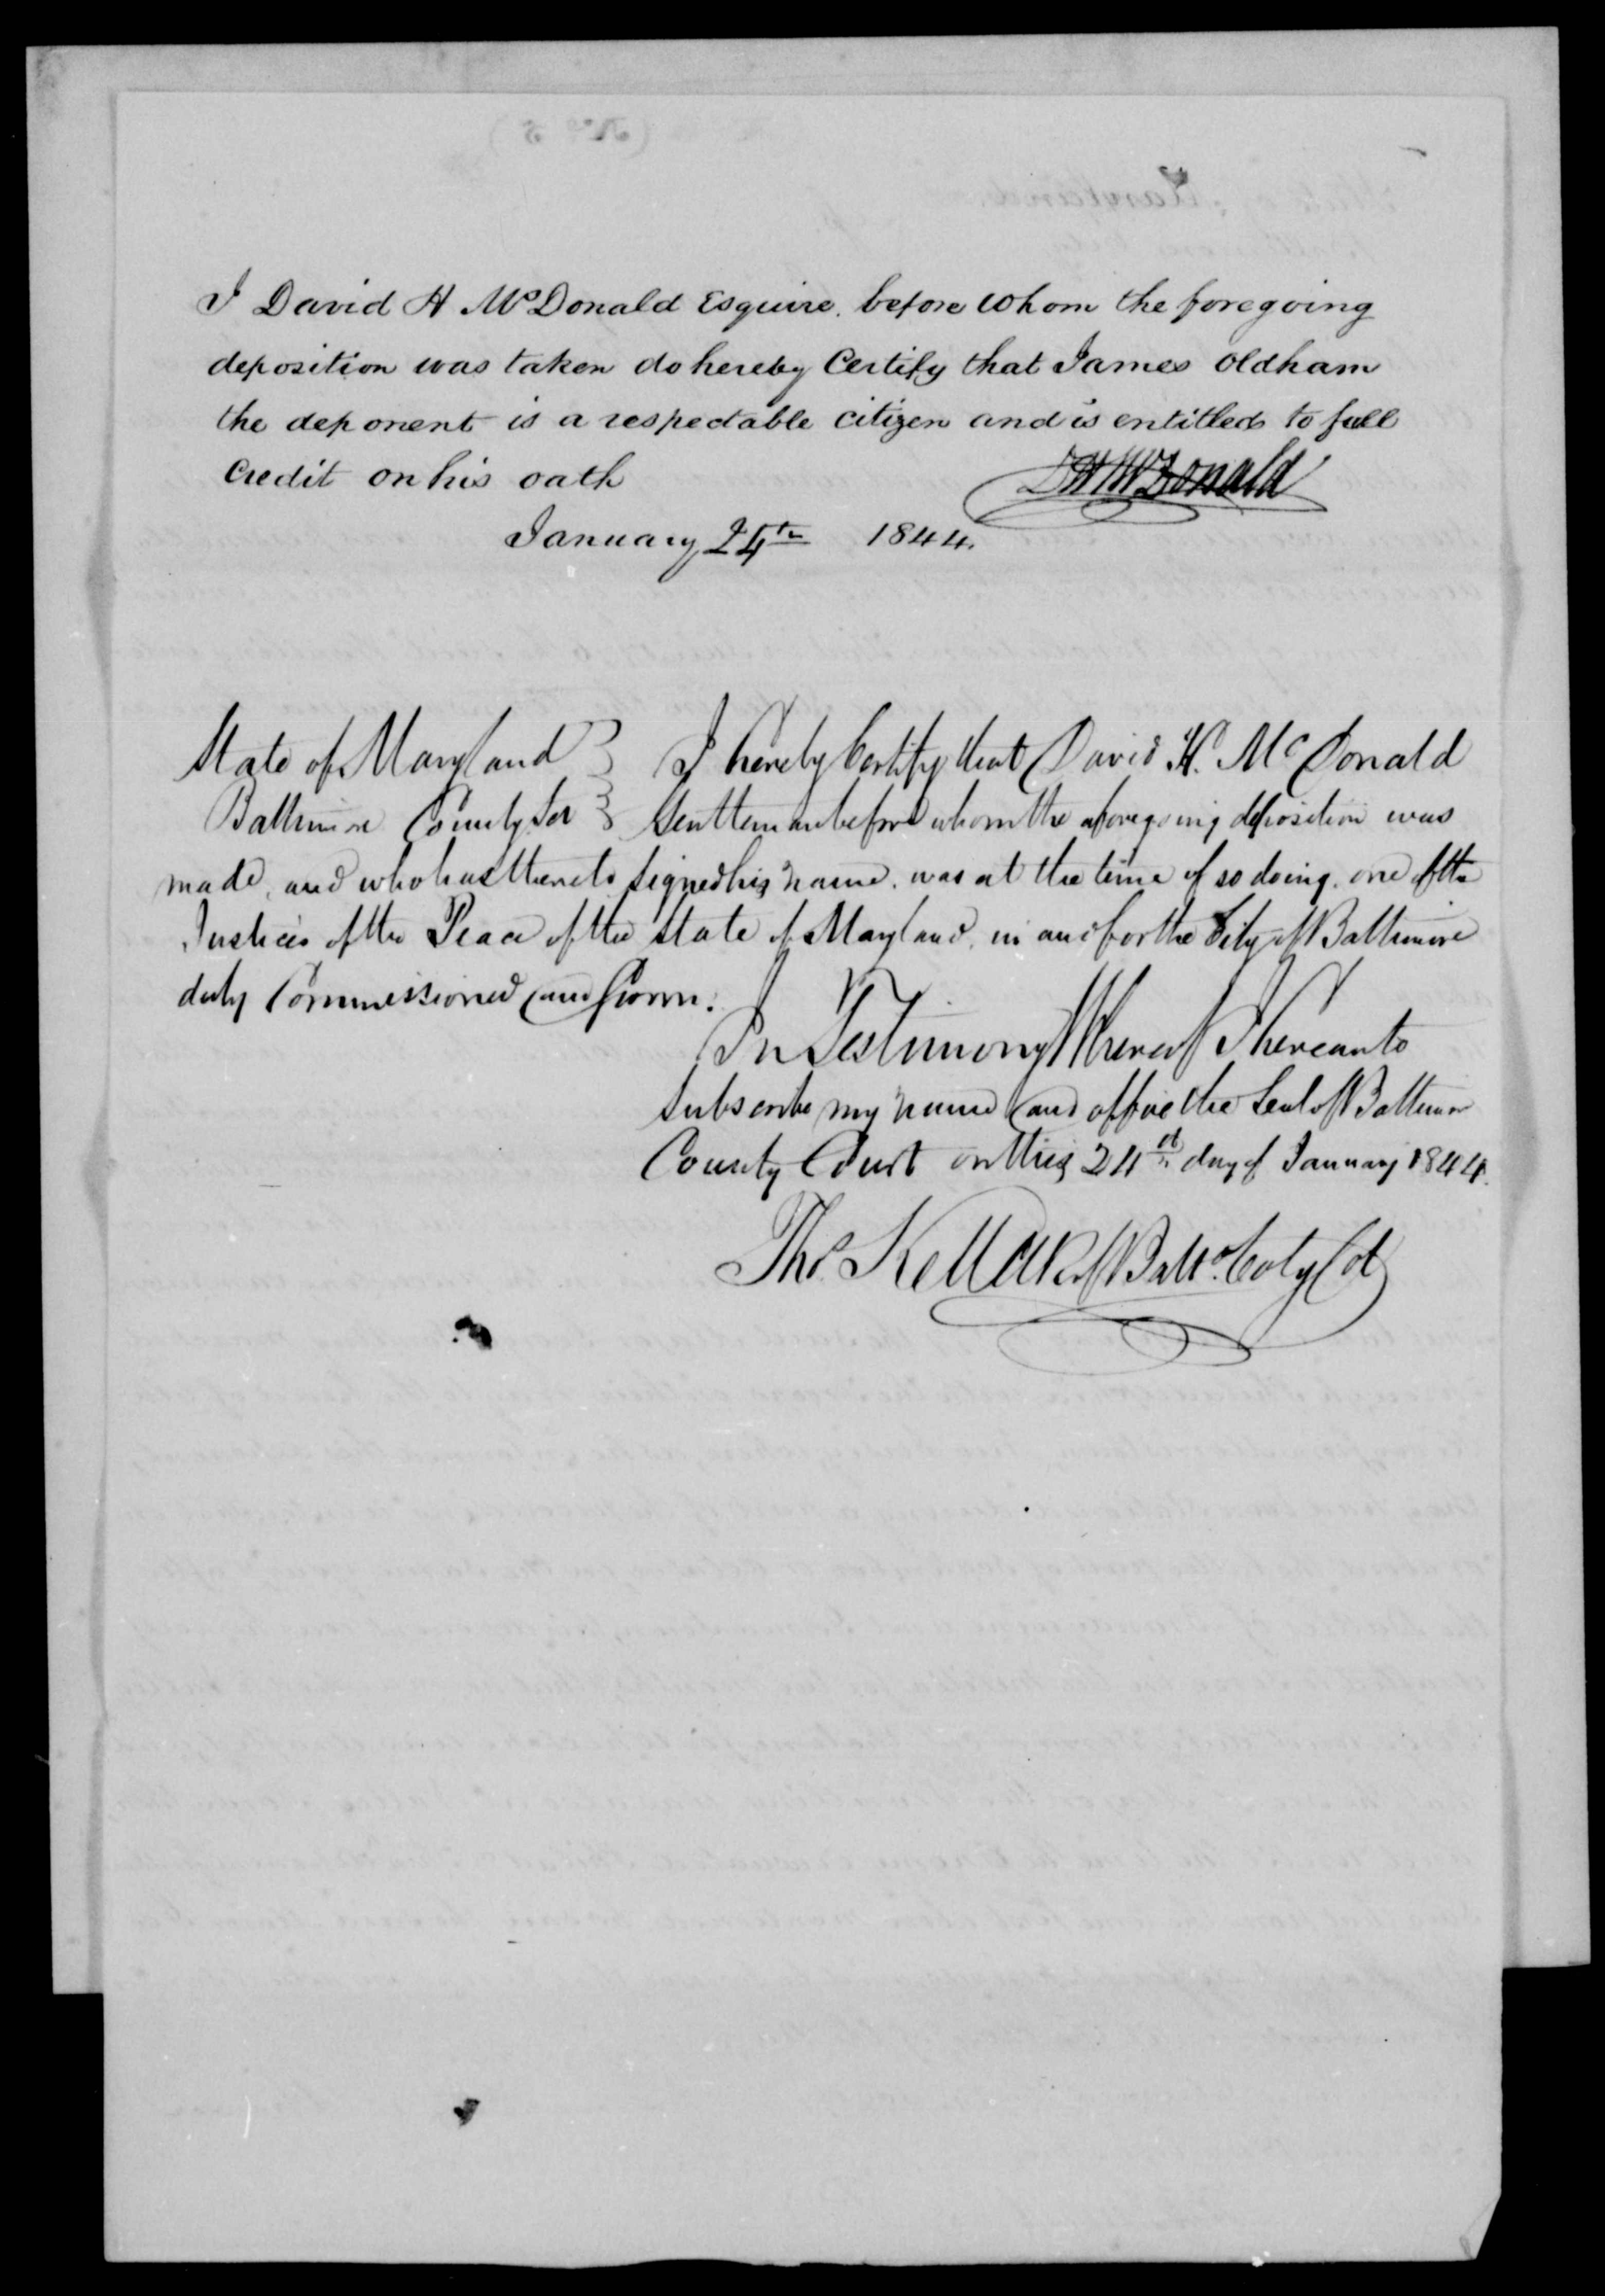I David H McDonald Esquire before whom the foregoing
deposition was taken do hereby certify that James Oldham
the deponent is a respectable citizen and is entitled to full
credit on his oath
David H McDonald
January 24th 1844

State of Maryland Baltimore County ss
 I hereby Certify that David H. McDonald
Gentleman before whom the aforegoing deposition was
made, and who has thereto signed his name was at the time of so doing, one of the Justice of the Peace of the State of Maryland, in and for the City Baltimore duly commissioned and sworn.
In Testimony Whereof I hereunto Subscribe my name and affix the Seal of Baltimore County Court on this 24th day of January 1844
Thos Keller Clk of Balt’o Coty Cot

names: Thos Kellar, David H Mc Donald, James Oldham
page: 57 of 68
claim: survivor's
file: S. 6,358, George Wentling, Penn.